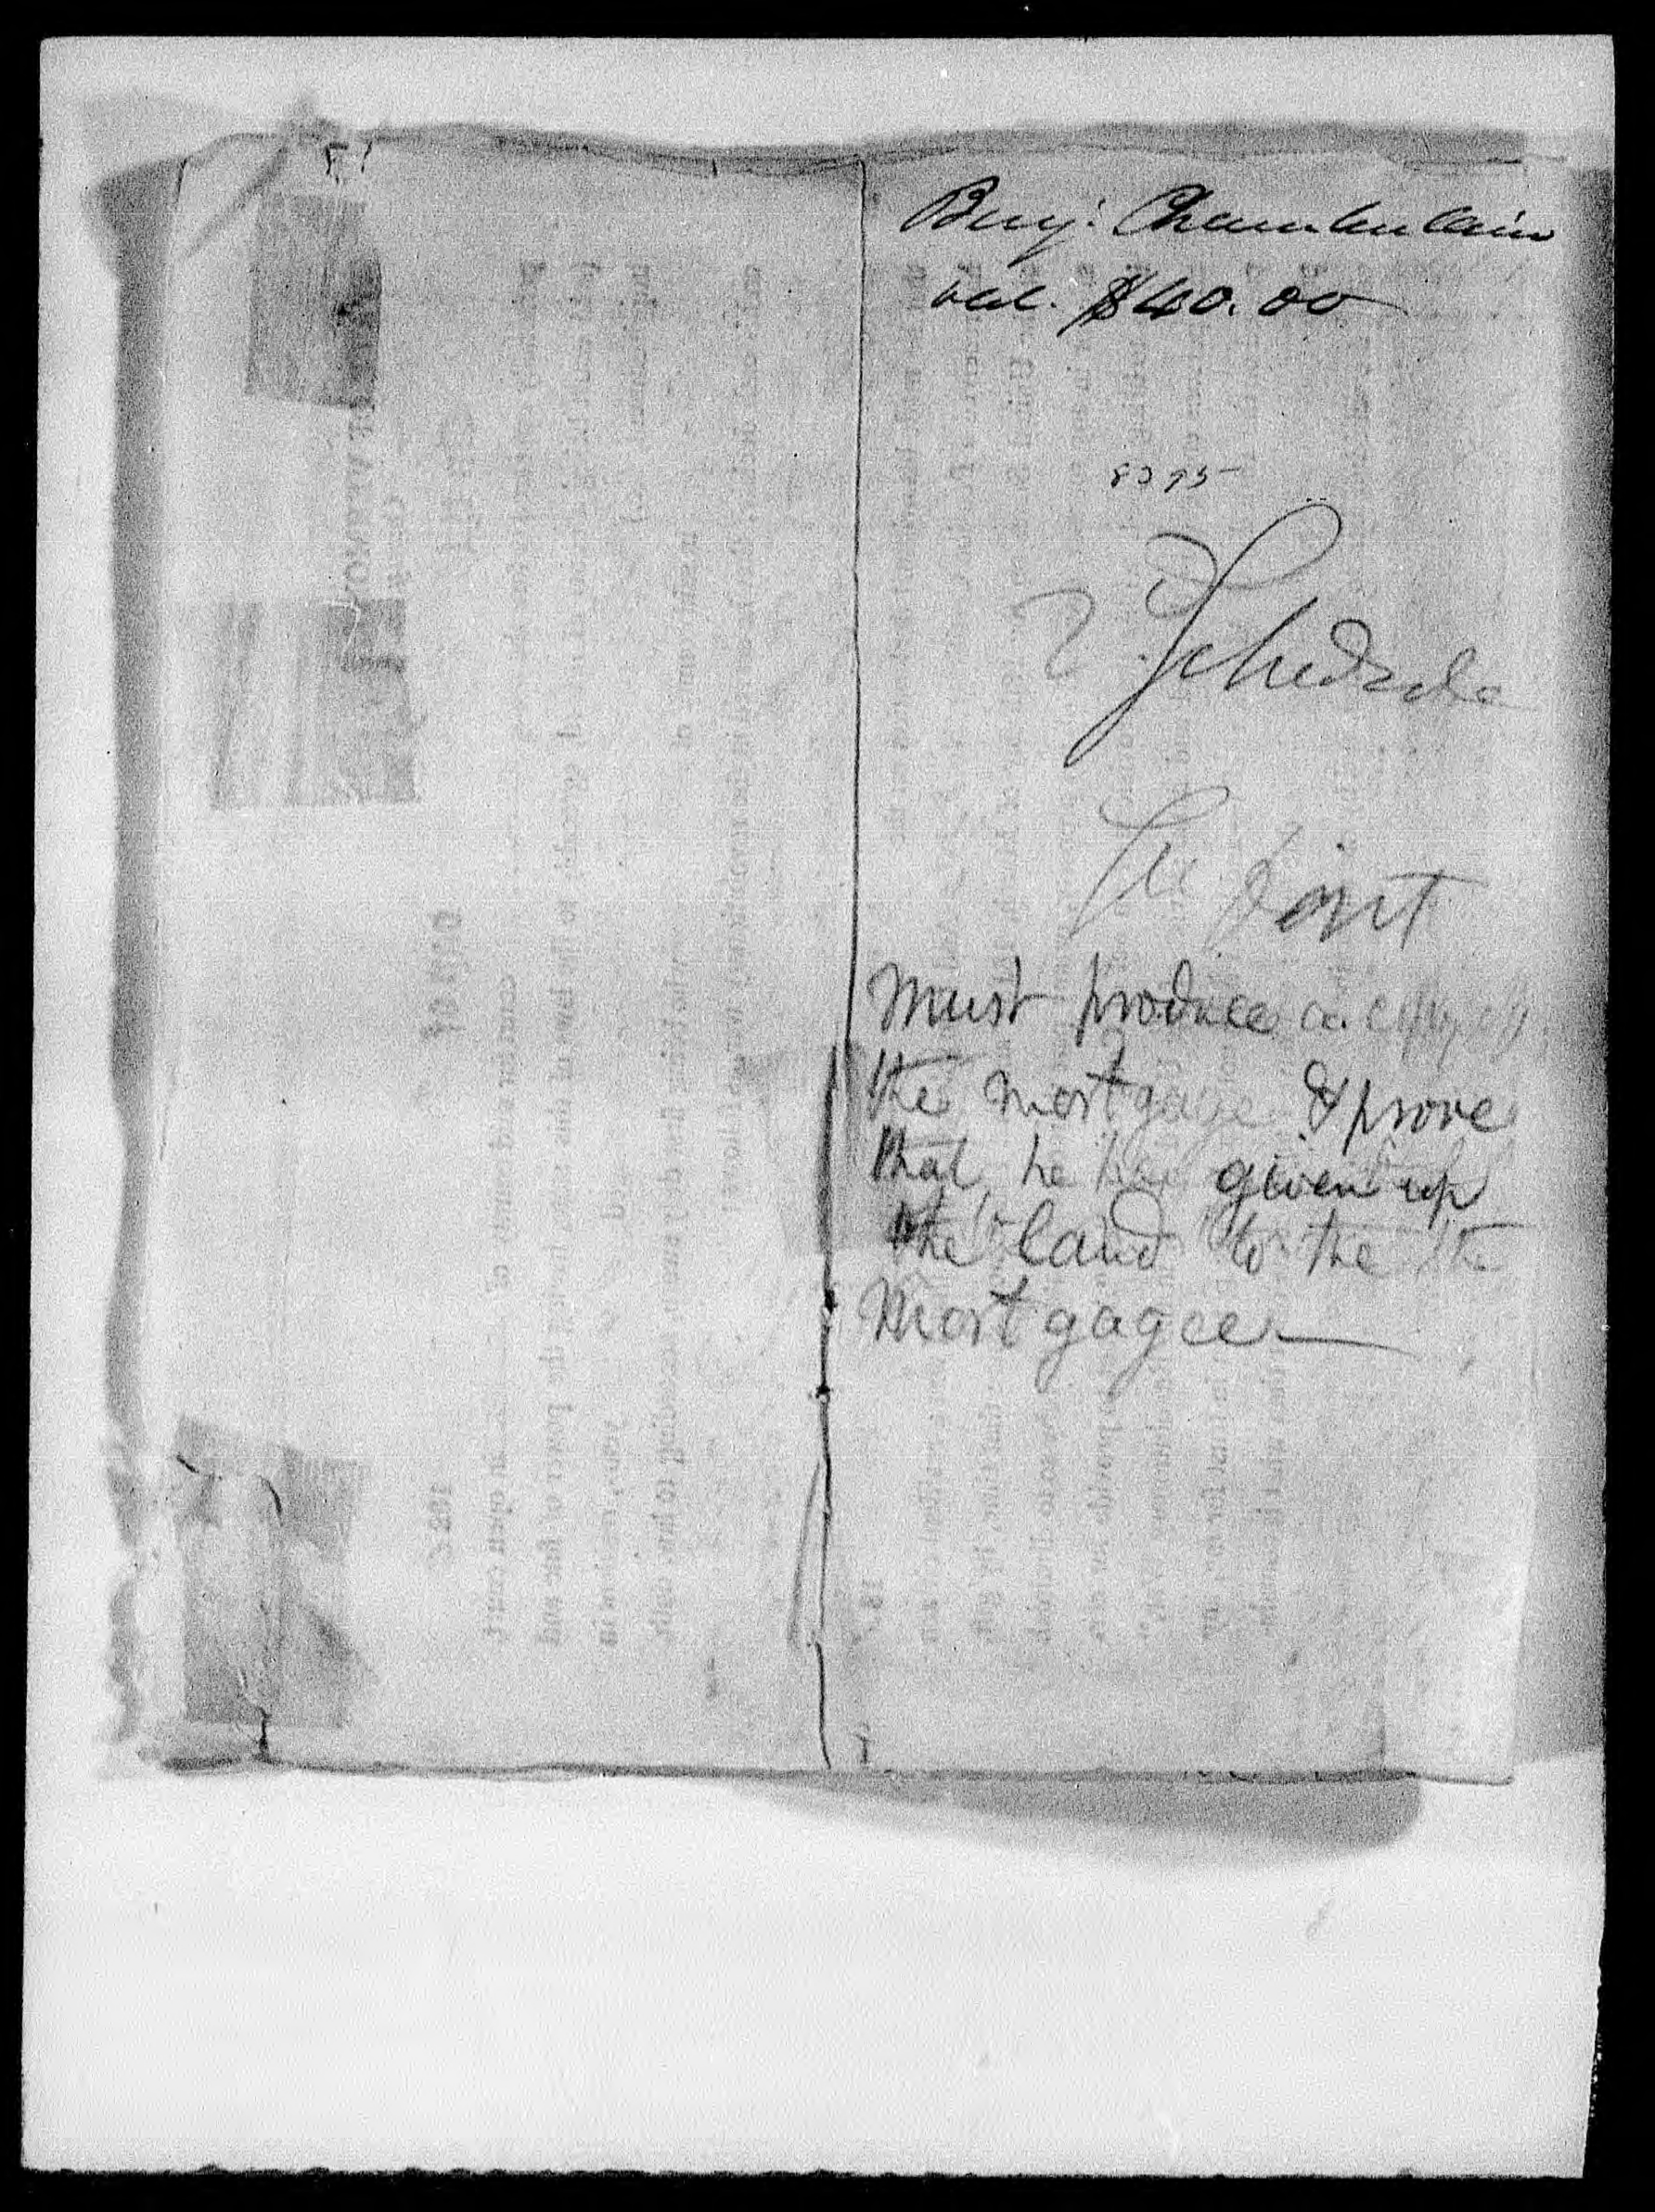Benj. Chamberlain
Bal. $40.00
8095
2 schedule
(illegible)
Must produce the mortgage & prove that he has given up the land to the mortgager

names: Benj Chamberlain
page: 6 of 30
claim: survivor's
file: S. 39306, Benjamin Chamberlin, Mass.